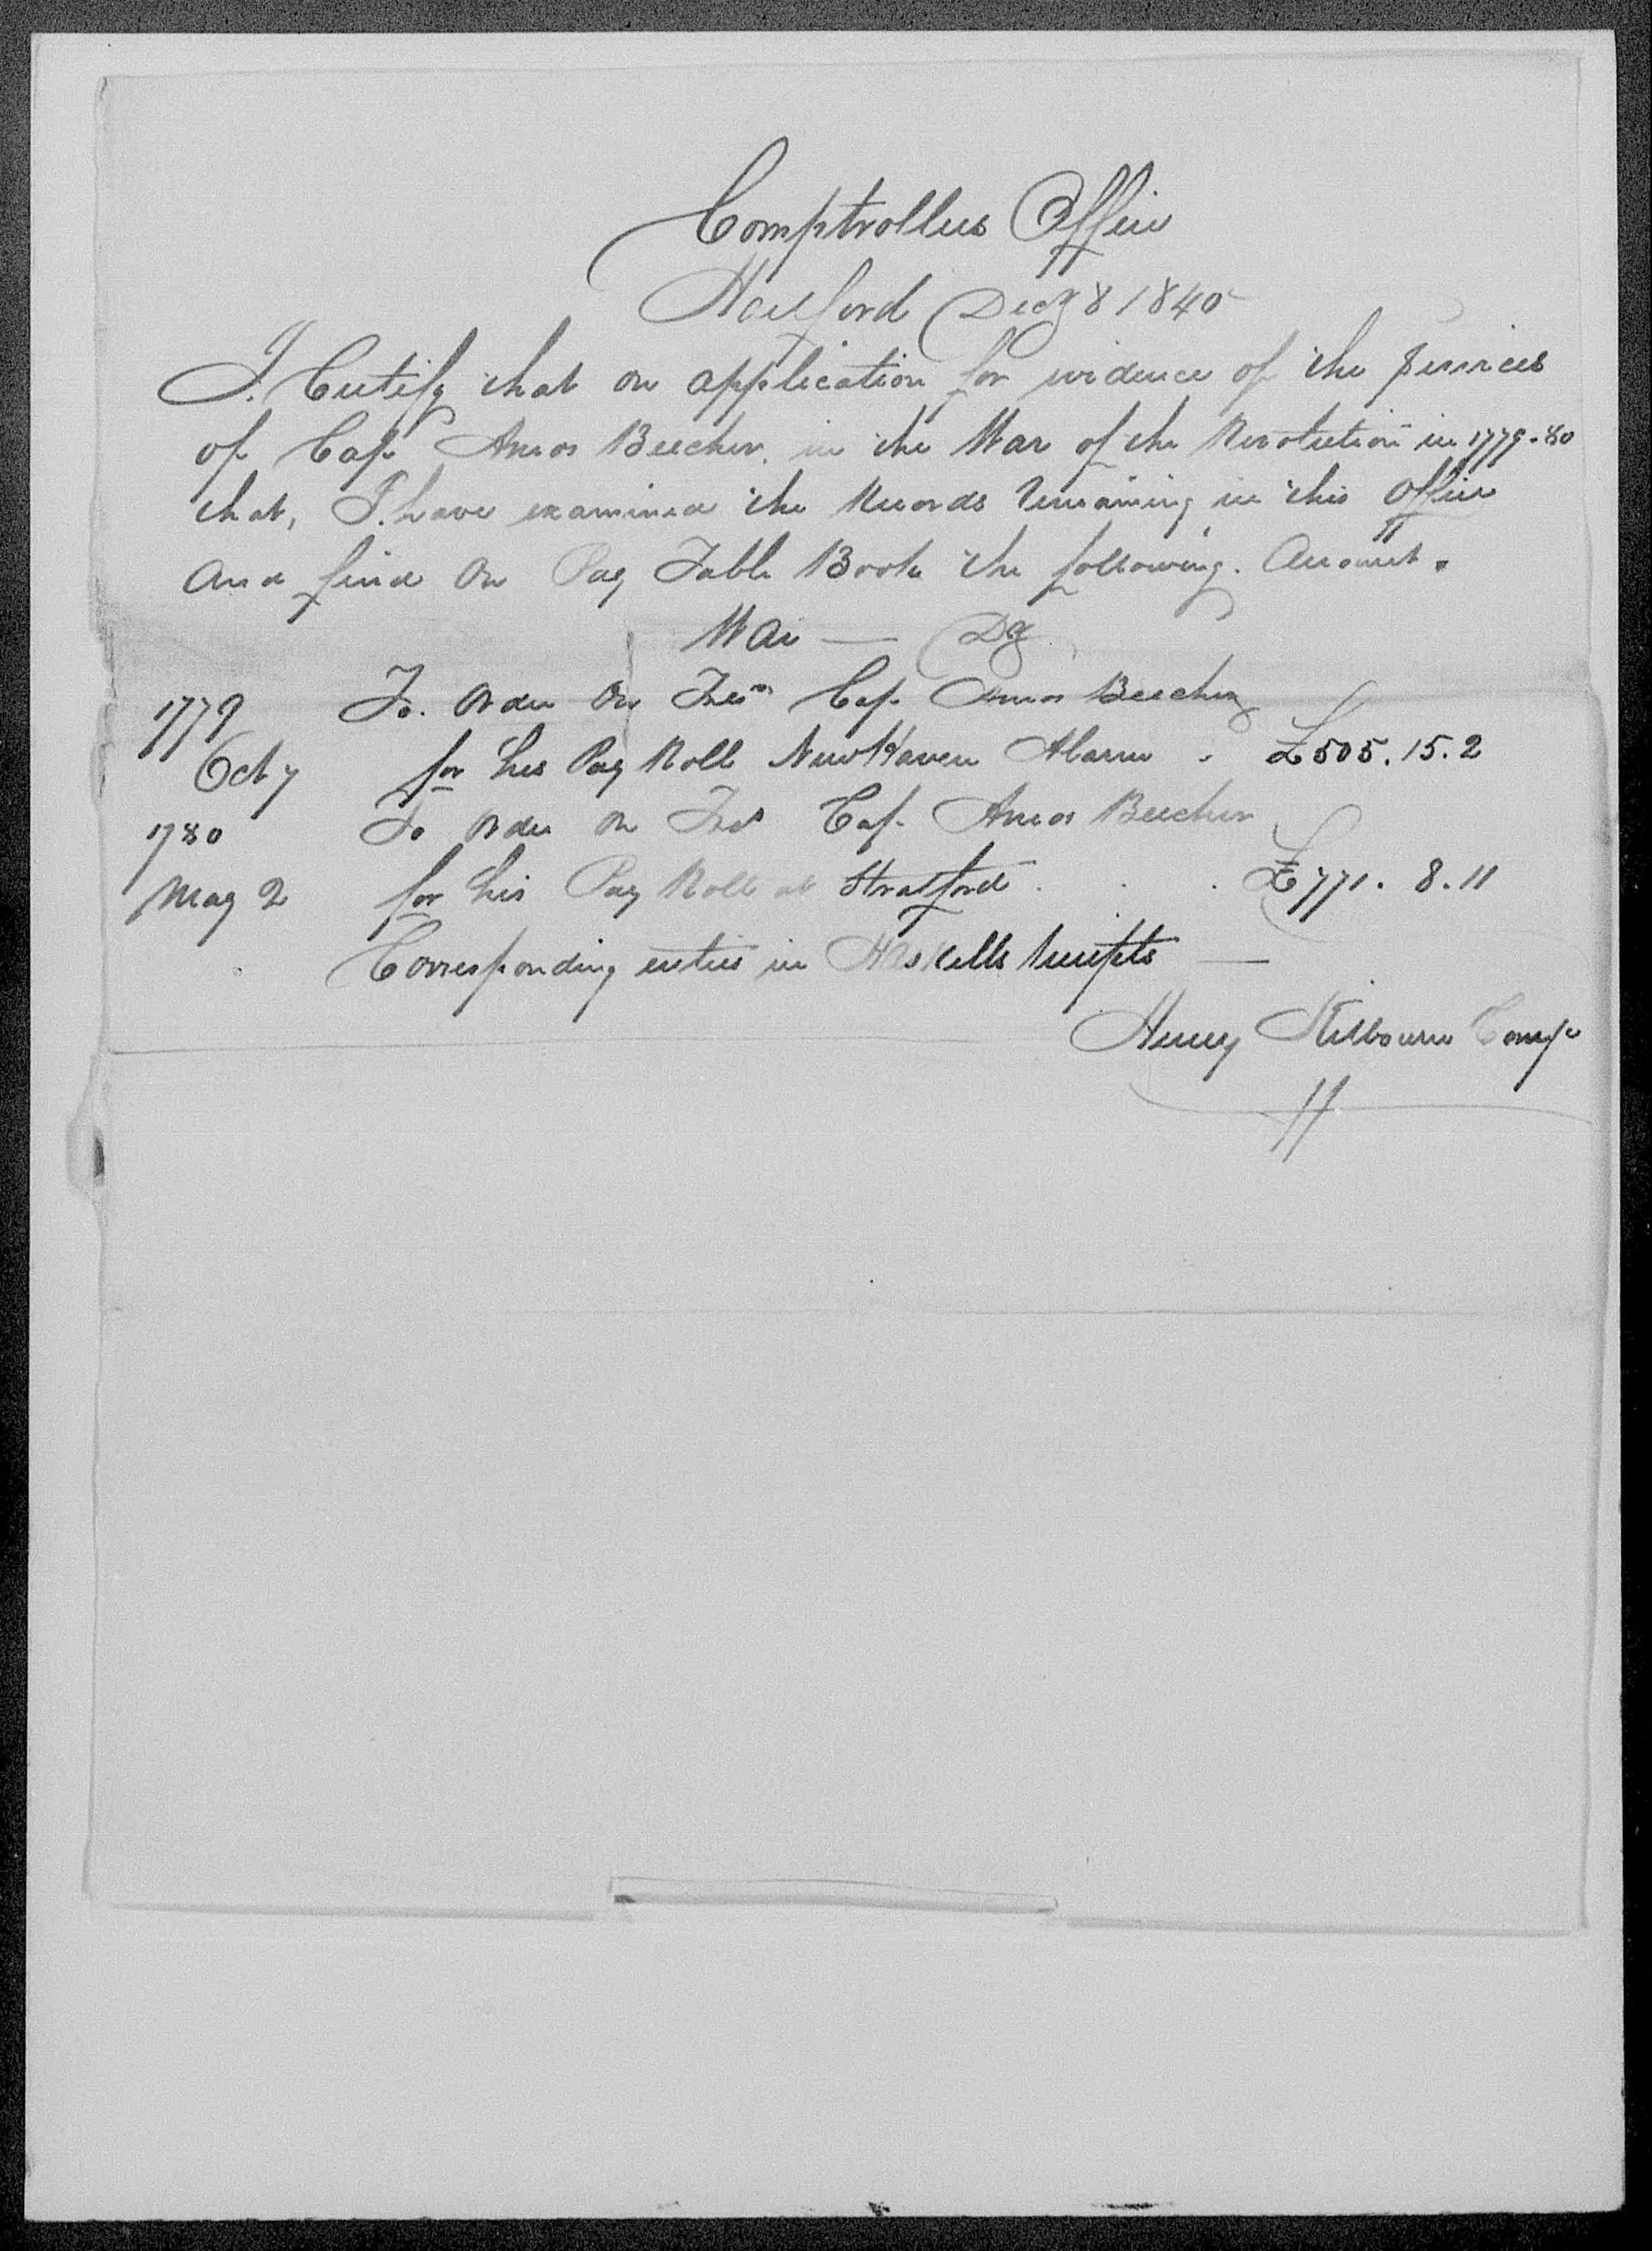Comptrollers Office 
Hartford Dec 8 1840 
I Certify that on application for evidence of the services of Capt Amos Beecher in the War of the Revolution in 1780 that I have examined the records remaining in this Office and find on Pay Table Book the following Account 
War Dg
1779 Oct 7 To Order on Treas Cap Amos Beecher for his Pay Roll New Haven Alarm, £ 505,15,2
1780 May 2 To order on Treas Cap Amos Beecher for his Pay Roll at Stratford £771.8.11
Corresponding entries in Haskells Receipts 
Henry Kilbourn Comptr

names: Amos Bucher, Amos Bucher, Henry Kilbourn, Amos Bucher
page: 34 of 35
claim: rejected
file: R. 501, Phineas Barker, Conn. Privateer